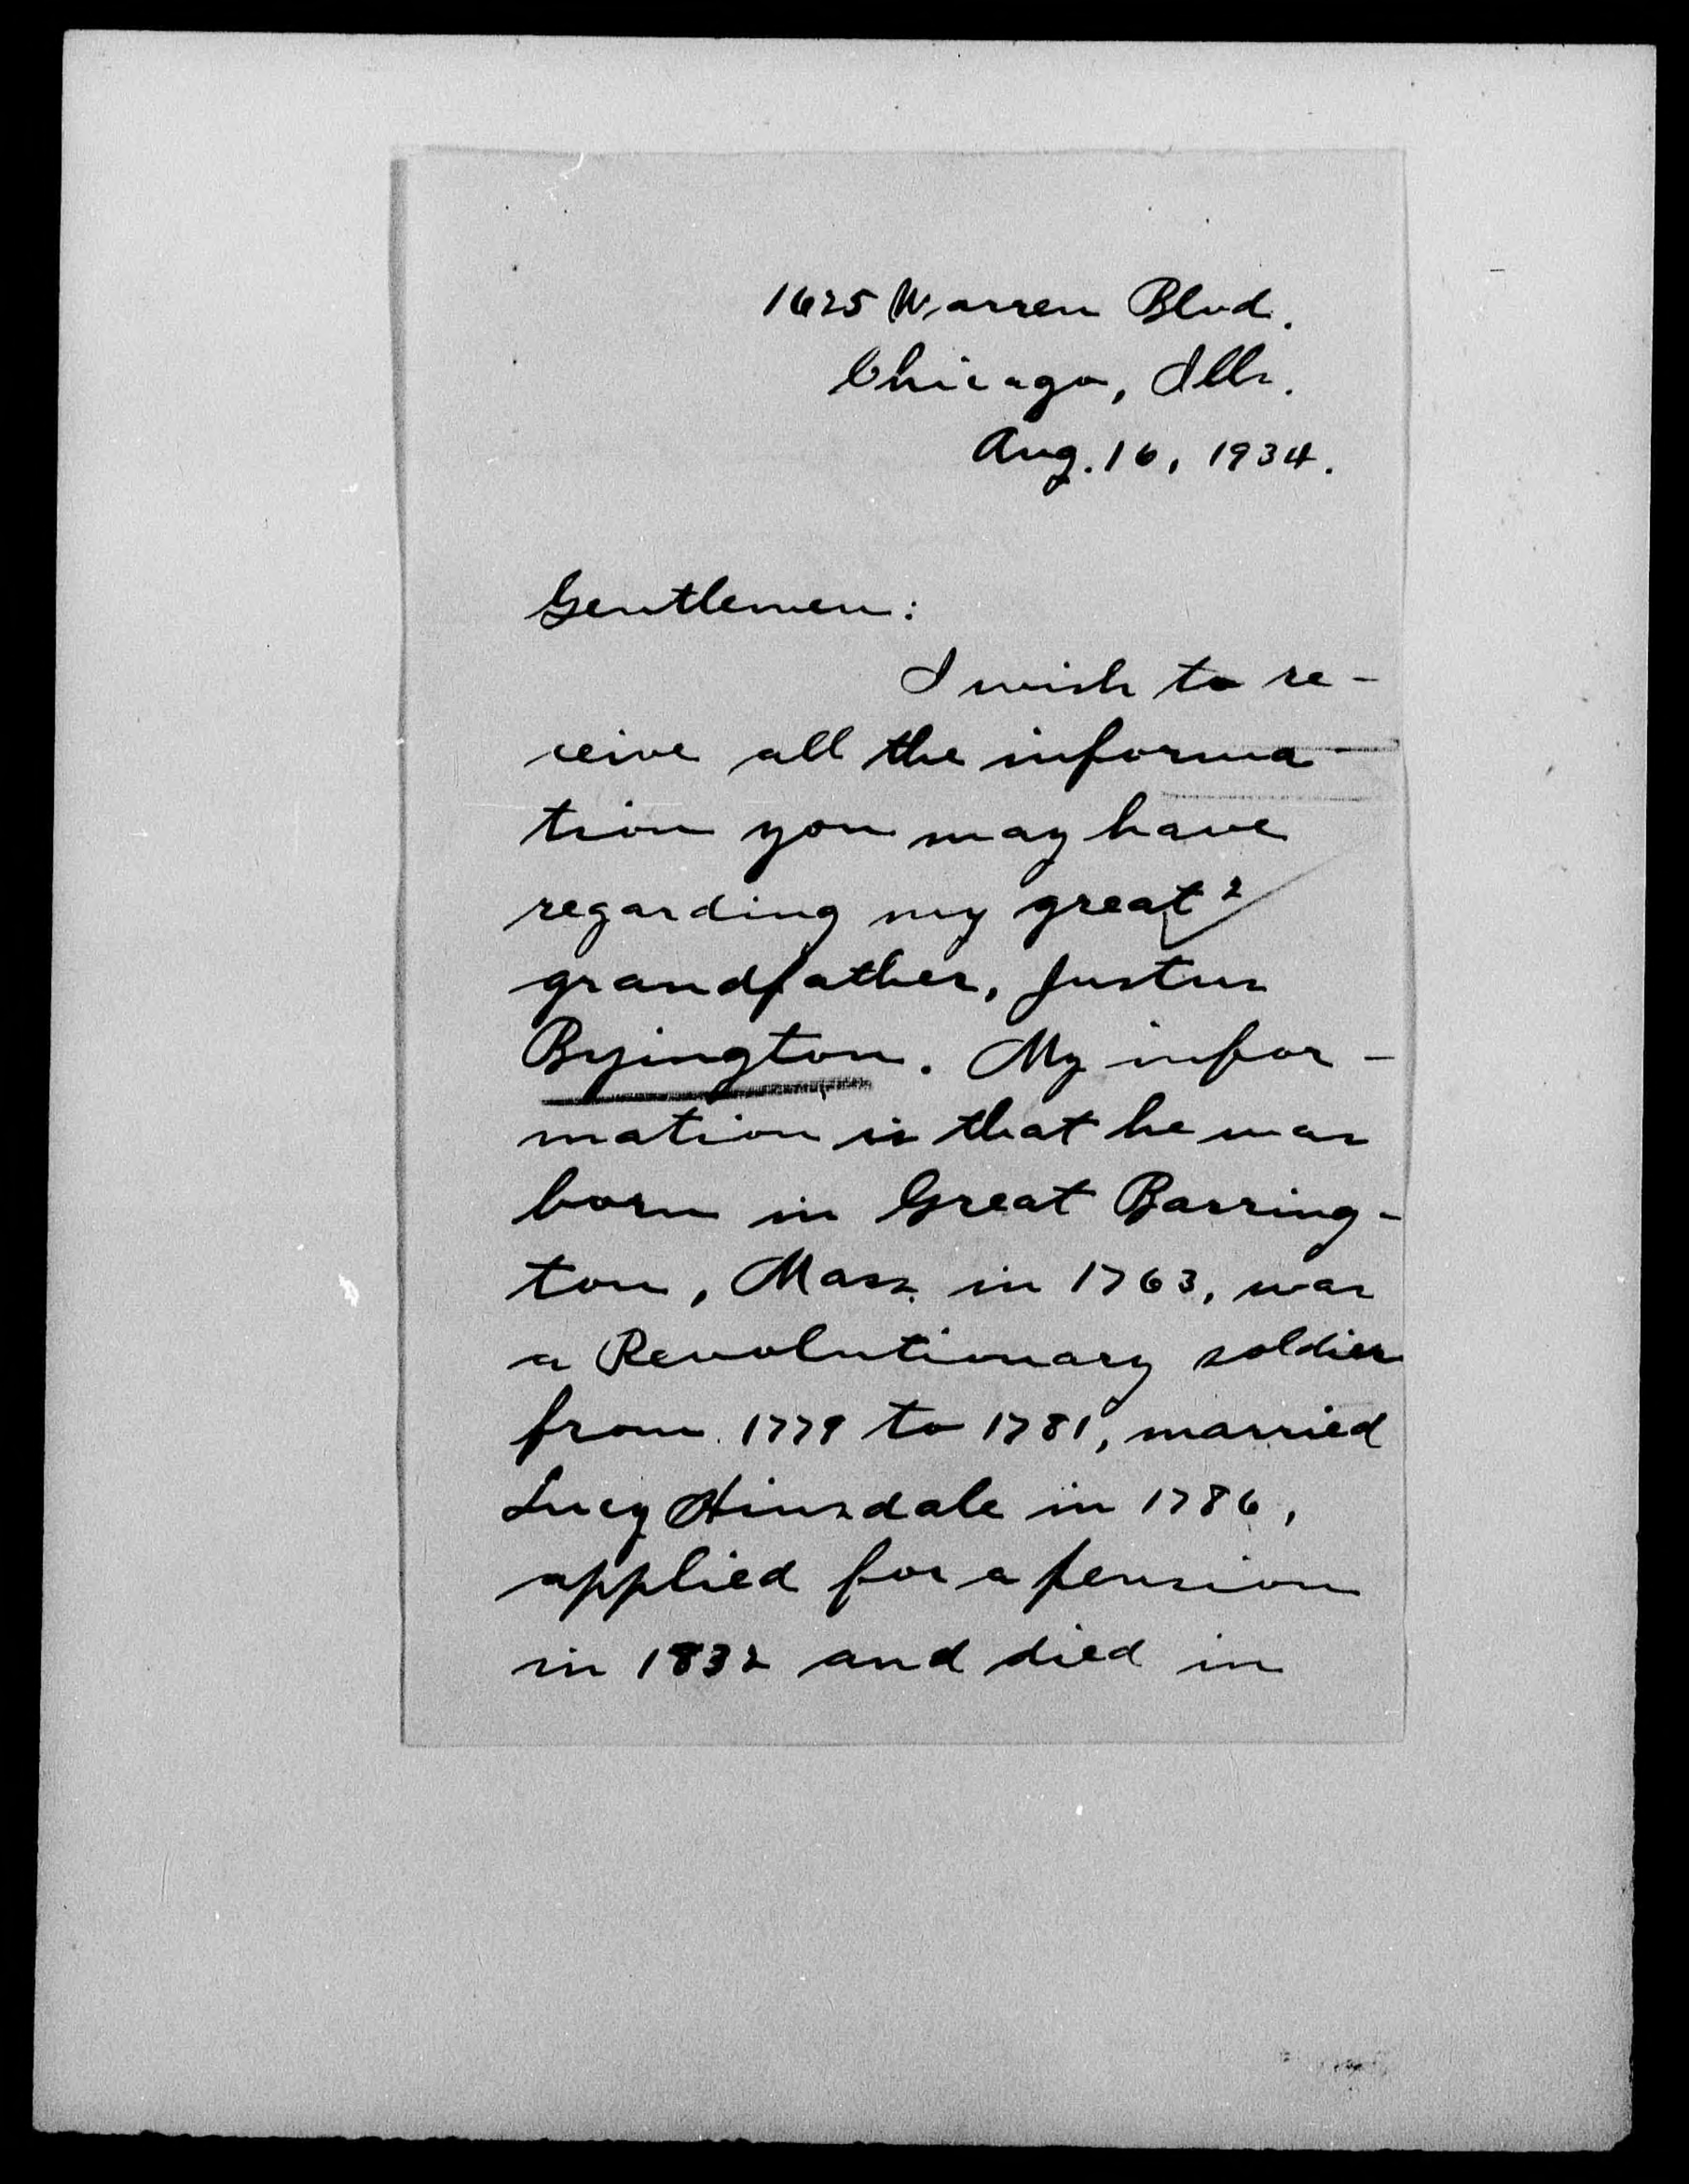1625 Warren Blvd
Chicago, Ill
Aug 16, 1934

Gentlemen:
I wish to receive all the information you may have regarding my great grandfather, Justus Byington. My information is that he was born in Great Barrington, Mass. in 1763, was a Revolutionary soldier from 1779 to 1781, married Lucy Hinsdale in 1786, applied for a pension in 1832 and died in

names: Justus Byington, Lucy Hinsdale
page: 62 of 79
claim: widow's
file: W. 23754, Justus Byington, Conn.